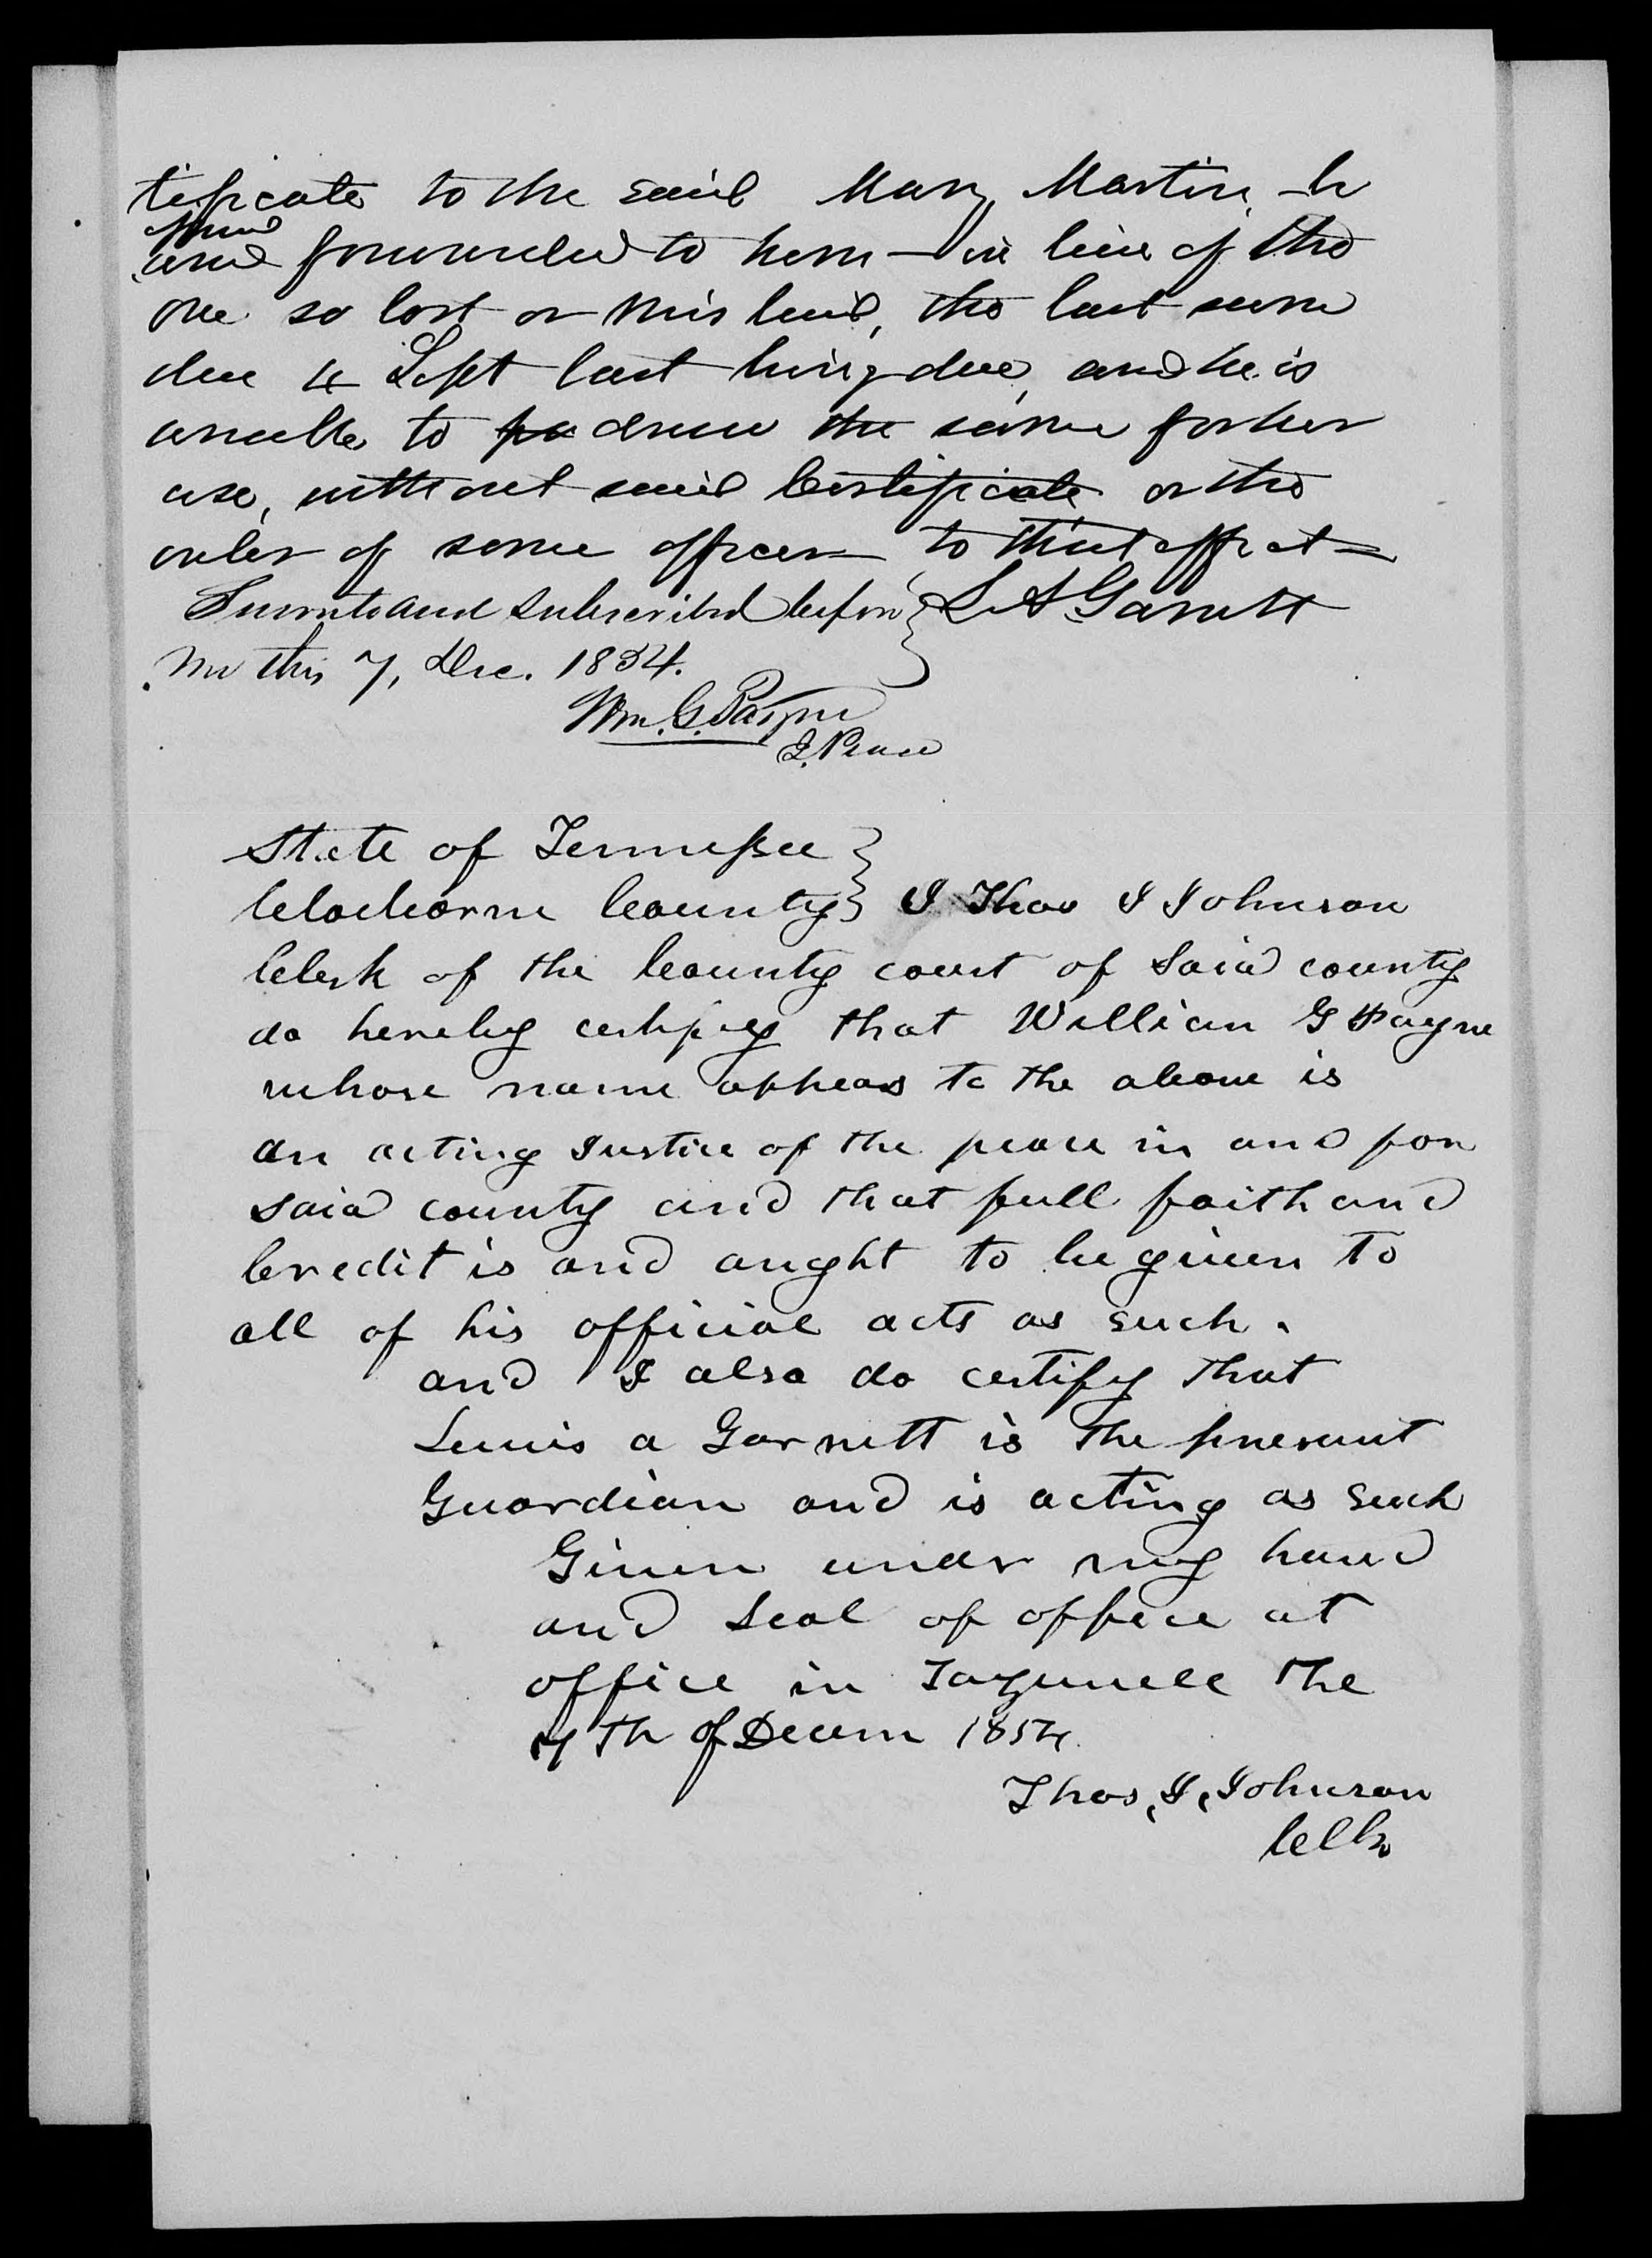tificate to the said Mary Martin in
and forwarded to him--in lieu of the
June
one so lost or mislaid, the last sum
due 4 Sept last being due, and he is
unable to produce the same for her
use, without said Certificate or the
[illegible] of some officer to that to that effect.
SA Garrett
Sworn to and subscribed before
me this 7, Dec. 1854
Wm. G. Payne
J. Peace
State of Tennessee  )
Claiborne County    )
I Thos. J. Johnson
Clerk of the County court of Said county
do hereby certify that William G. Payne
whose name appears to the above is
an acting Justice of the peace in and for
Said county and that full faith and
Credit is and aught [ought] to be given to
all of his official acts as such.
and I also do certify that
Lewis a Garrett is the present 
Guardian and is acting as such
Given under my hand
and Seal of office at
office in Tazewell the
7th of Decem 1854
Thos. J. Johnson
Clk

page: 41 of 120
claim: widow's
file: W. 1044, for Salathiel Martin, North Carolina